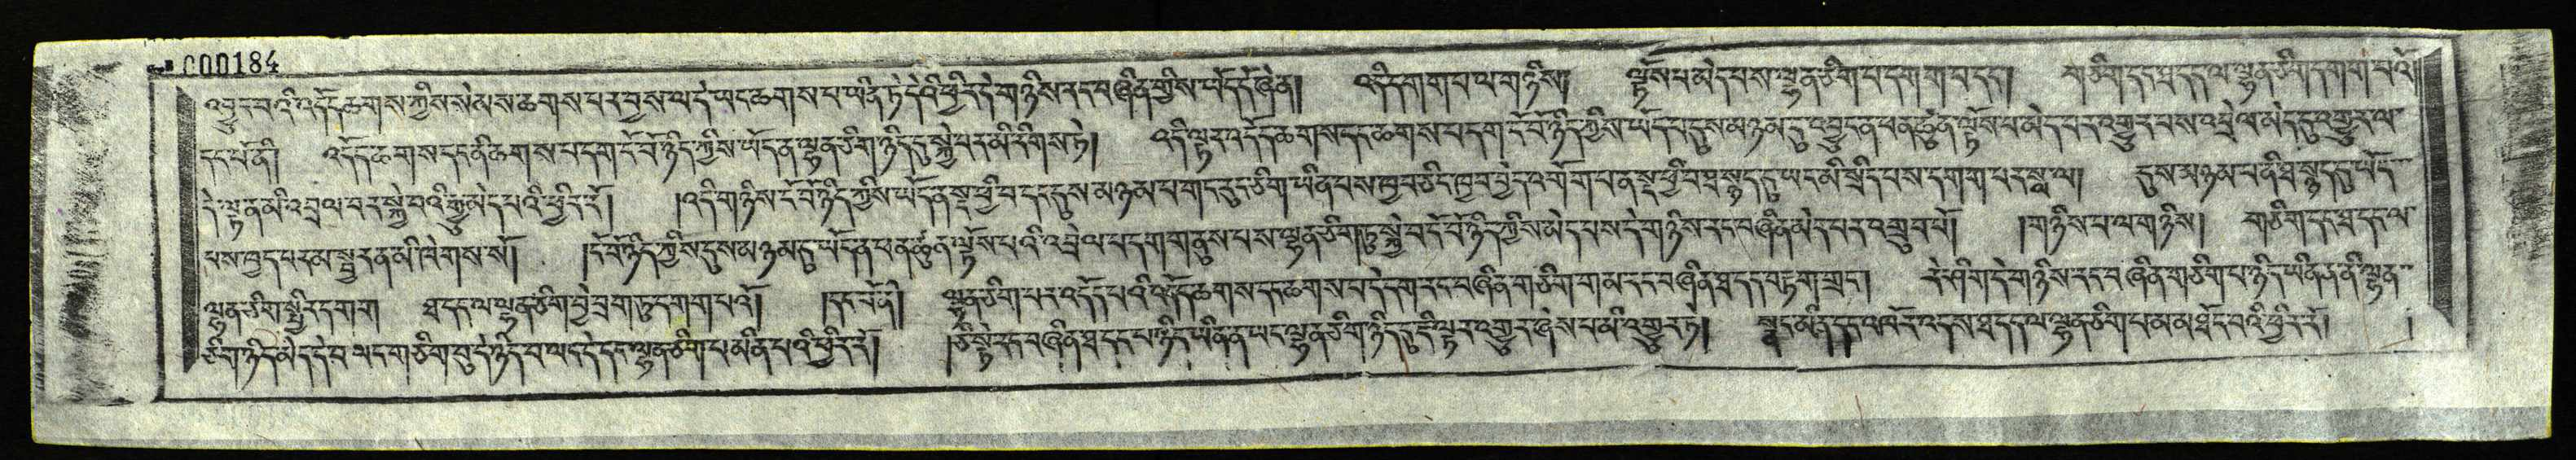འབྱུང་བའི་འདོད་ཆགས་ཀྱིས་སེམས་ཆགས་པར་བྱས་ལ་དེ་ཡང་ཆགས་པ་ཡིན་ཏེ་དེའི་ཕྱིར་དེ་གཉིས་རང་བཞིན་གྱིས་ཡོད་དོ་ཞེ་ན། འདི་དགག་པ་ལ་གཉིས། ལྟོས་པ་མེད་པས་ལྷན་ཅིག་པ་དགག་པ་དང་། གཅིག་དང་ཐ་དད་ལ་ལྷན་ཅིག་དགག་པའོ།
དང་པོ་ནི། འདོད་ཆགས་དང་ནི་ཆགས་པ་དག་ངོ་བོ་ཉིད་ཀྱིས་ཡོད་ན་ལྷན་ཅིག་ཉིད་དུ་སྐྱེ་བར་མི་རིགས་ཏེ། འདི་ལྟར་འདོད་ཆགས་དང་ཆགས་བདག་ངོ་བོ་ཉིད་ཀྱིས་ཡོད་པ་དུས་མཉམ་དུ་འབྱུང་ན་ཕན་ཚུན་ལྟོས་པ་མེད་པར་འགྱུར་བས་འབྲེལ་མེད་དུ་འགྱུར་ལ་
དེ་ལྟ་ན་མི་འབྲལ་བར་སྐྱེ་བའི་རྒྱུ་མེད་པའི་ཕྱིར་རོ། །འདི་གཉིས་ངོ་བོ་ཉིད་ཀྱིས་ཡོད་ན་སྔ་ཕྱི་བ་དང་དུས་མཉམ་པ་གང་རུང་ཅིག་ཡིན་པས་ཁྱབ་ཅིང་ཁྱབ་བྱེད་འགོག་པ་ན་སྔ་ཕྱི་བ་ཐ་སྙད་དུ་ཡང་མི་སྲིད་པས་དགག་པར་སླ་ལ། དུས་མཉམ་པ་ནི་ཐ་སྙད་དུ་ཡོད་
པས་ཁྱད་པར་མ་སྦྱར་ན་མི་ཁེགས་སོ། །ངོ་བོ་ཉིད་ཀྱིས་དུས་མཉམ་དུ་ཡོད་ན་ཕན་ཚུན་ལྟོས་པའི་འབྲེལ་པ་དགག་ནུས་པས་ལྷན་ཅིག་ཏུ་སྐྱེ་བ་ངོ་བོ་ཉིད་ཀྱིས་མེད་པས་དེ་གཉིས་རང་བཞིན་མེད་པར་འགྲུབ་པོ། །གཉིས་པ་ལ་གཉིས། གཅིག་དང་ཐ་དད་ལ་
ལྷན་ཅིག་སྤྱིར་དགག་ཐ་དད་ལ་ལྷན་ཅིག་བྱེ་བྲག་ཏུ་དགག་པའོ། །དང་པོ་ནི། ལྷན་ཅིག་པར་འདོད་པའི་འདོད་ཆགས་དང་ཆགས་པ་དེ་དག་རང་བཞིན་གཅིག་གམ་རང་བཞིན་ཐ་དད་བརྟག་གྲང་། རེ་ཤིག་དེ་གཉིས་རང་བཞིན་གཅིག་པ་ཉིད་ཡིན་ན་ནི་ལྷན་
ཅིག་ཉིད་མེད་དེ་བ་ལང་གཅིག་བུ་དེ་ཉིད་བ་ལང་དེ་དང་ལྷན་ཅིག་པ་མིན་པའི་ཕྱིར་རོ། །ཅི་སྟེ་རང་བཞིན་ཐ་དད་པ་ཉིད་ཡིན་ན་ཡང་ལྷན་ཅིག་ཉིད་དུ་ཇི་ལྟར་འགྱུར་ཞེས་པ་མི་འགྱུར་ཏེ། སྣང་མིན་དང་འཁོར་འདས་ཐ་དད་ལ་ལྷན་ཅིག་པ་མ་མཐོང་བའི་ཕྱིར་རོ། །